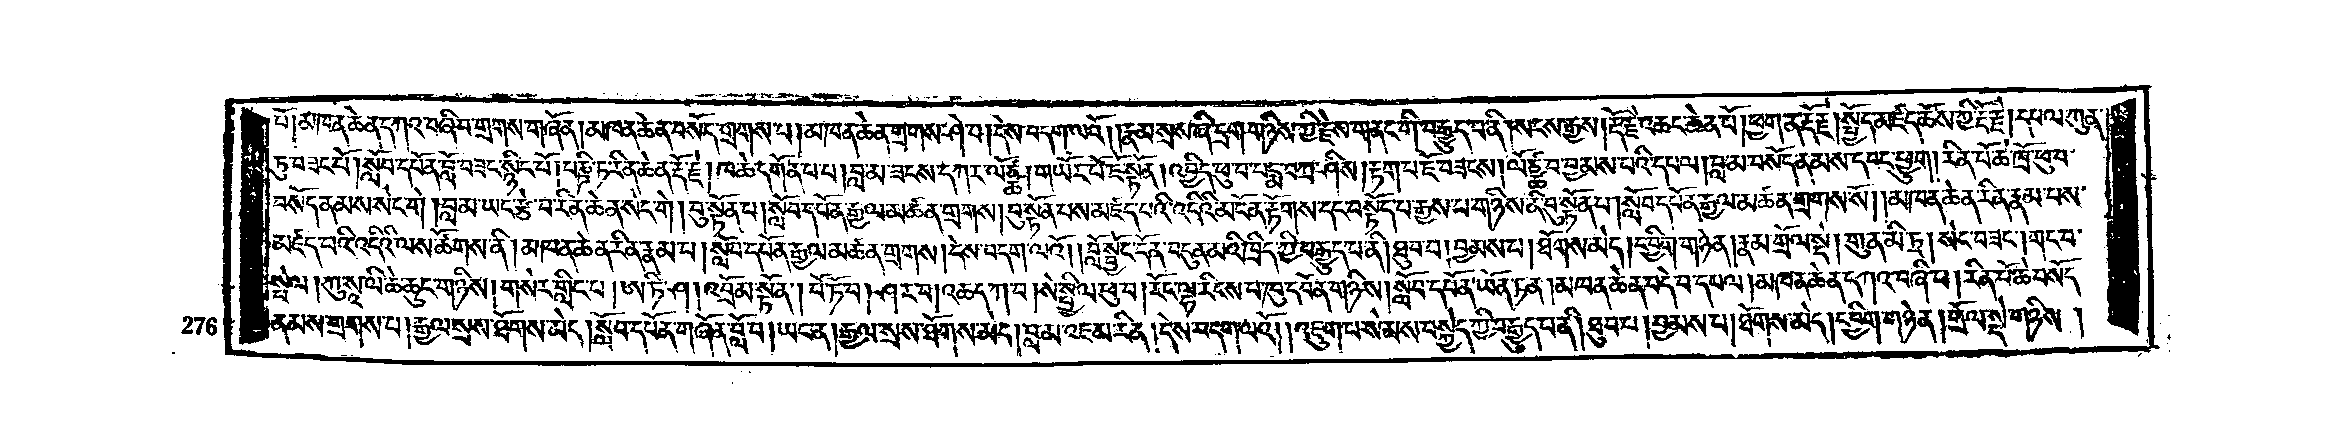པོ། མཁན་ཆེན་དཀའ་བཞི་བ་གྲགས་གཞོན། མཁན་ཆེན་བསོད་གྲགས་པ། མཁན་ཆེན་གྲགས་ཤེ་བ་།དེས་བདག་ལའོ། །རྣམ་སྲས་ཞི་དྲག་གཉིས་ཀྱི་རྗེས་གནང་གི་བརྒྱུད་པ་ནི། སངས་རྒྱས། རྡོ་རྗེ་འཆང་ཆེན་པོ། ཕྱག་ན་རྡོ་རྗེ། སྤྱོད་མཛད་ཆོས་ཀྱི་རྡོ་རྗེ། དཔལ་ཀུན་
ཏུ་བཟང་པོ། སློབ་དཔོན་བློ་བཟང་སྙིང་པོ། པཎྜི་ཏ་རིན་ཆེན་རྡོ་རྗེ། ཁ་ཆེ་དགོན་པ་པ། བླ་མ་ཟངས་དཀར་ལོཙྪ། གཡོར་པོ་ཇོ་སྟོན། འབྱིད་ཕུ་བ་པདམ་བཀྲ་ཤིས་།རྟག་པ་ཇོ་བཟངས། ལོཙྪ་བ་བྱམས་པའི་དཔལ། བླ་མ་བསོད་ནམས་དབང་ཕྱུག །རིན་པོ་ཆེ་ཁྲོ་ཕུ་བ་
བསོད་ནམས་སེང་གེ །བླ་མ་ཡང་རྩེ་བ་རིན་ཆེན་སེང་གེ །བུ་སྟོན་པ། སློབ་དཔོན་རྒྱལ་མཚན་གྲགས། བུ་སྟོན་པས་མཛད་པའི་འདིའི་མངོན་རྟོགས་དང་བསྟོད་པ་རྒྱས་པ་གཉིས་ནི་བུ་སྟོན་པ། སློབ་དཔོན་རྒྱལ་མཚན་གྲགས་སོ། །མཁན་ཆེན་རིན་རྣམ་པས་
མཛད་པའི་འདིའི་ལས་ཚོགས་ནི། མཁན་ཆེན་རིན་རྣམ་པ། སློབ་དཔོན་རྒྱལ་མཚན་གྲགས། དེས་བདག་ལའོ། །བློ་སྦྱོང་དོན་བདུན་མའི་ཁྲིད་ཀྱི་བརྒྱུད་པ་ནི། ཐུབ་པ། བྱམས་པ། ཐོགས་མེད། དབྱིག་གཉེན། རྣམ་གྲོལ་སྡེ། གུན་མི་ཏྲ། སེང་བཟང་། གང་བ་
སྤེལ་།ཀུ་སཱ་ལི་ཆེ་ཆུང་གཉིས། གསེར་གླིང་པ། ཨ་ཏི་ཤ། འབྲོམ་སྟོན། བོ་ཏོ་བ། ཤར་བ། འཆད་ཀ་བ། སེ་སྤྱི་ལ་ཕུ་བ། རོང་ལྷ་རིངས་པ་ཁུ་དབོན་གཉིས། སློབ་དཔོན་ཡོན་ཏན་།མཁན་ཆེན་བདེ་བ་དཔལ་།མཁན་ཆེན་དཀའ་བཞི་པ། རིན་པོ་ཆེ་བསོད་
ནམས་གྲགས་པ། རྒྱལ་སྲས་ཐོགས་མེད། སློབ་དཔོན་གཞོན་བློ་བ། ཡང་ན། རྒྱལ་སྲས་ཐོགས་མེད། བླ་མ་འཇམ་རིན་།དེས་བདག་ལའོ། །འཇུག་པ་སེམས་བསྐྱེད་ཀྱི་བརྒྱུད་པ་ནི། ཐུབ་པ། བྱམས་པ། ཐོགས་མེད། དབྱིག་གཉེན། གྲོལ་སྡེ་གཉིས།